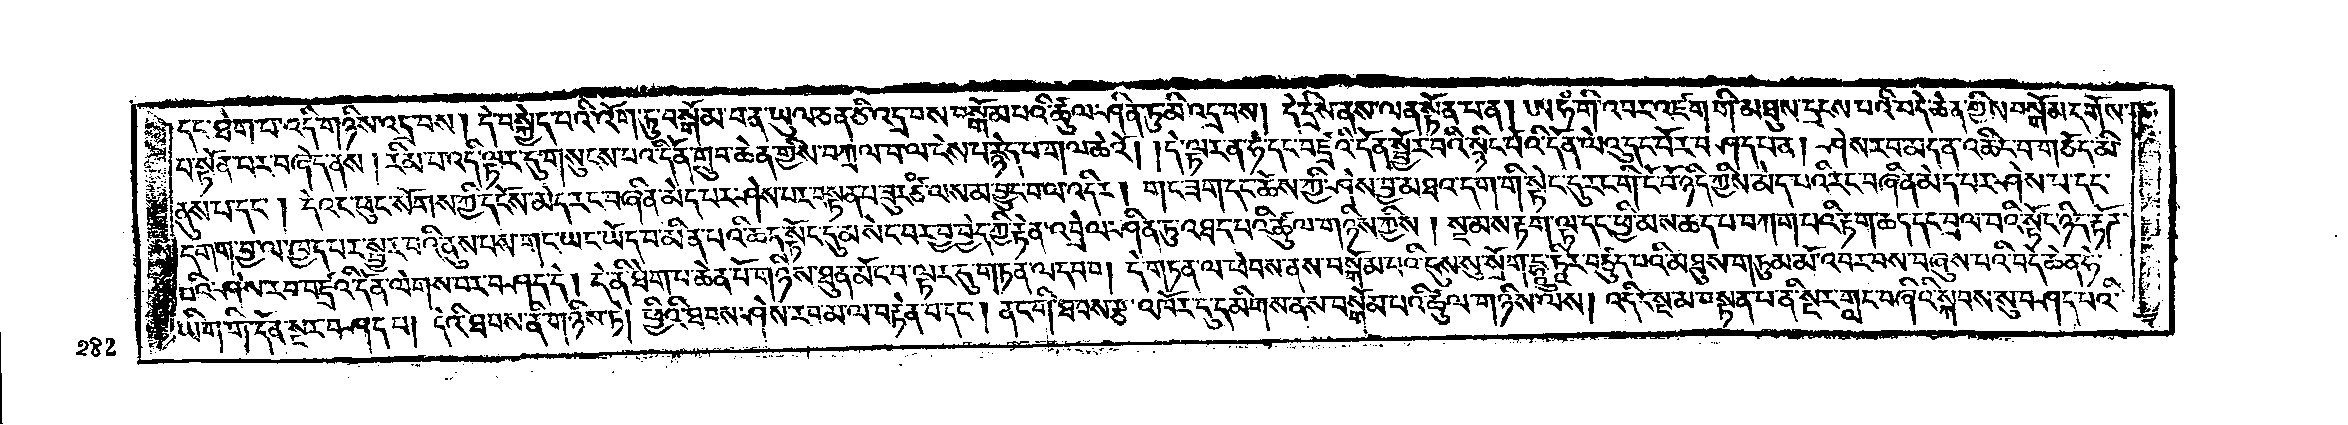དང་ཐེག་པ་འདི་གཉིས་འདྲ་བས། དེ་བསྐྱེད་པའི་འོག་ཏུ་བསྒོམ་པ་ན་ཡུལ་ཅན་ཅི་འདྲ་བས་བསྒོམ་པའི་ཚུལ་ཤིན་ཏུ་མི་འདྲ་བས། དེ་དྲིས་ནས་ལན་སྟོན་པ་ན། ཨ་ཧཾ་གི་འབར་འཛག་གི་མཐུས་དྲངས་པའི་བདེ་ཆེན་གྱིས་བསྒོམ་དགོས་
པ་སྟོན་པར་བཞེད་ནས། རིམ་པ་འདི་ལྟར་དུ་གསུངས་པའི་དོན་གྲུབ་ཆེན་གྱིས་བཀྲལ་བ་ལ་ངེས་པ་རྙེད་པ་གལ་ཆེའོ། །དེ་ལྟར་ན་ཧེ་དང་བཛྲའི་དོན་སྦྱོར་བའི་སྙིང་པོའི་དོན་ལེའུ་དང་པོར་བཤད་པ་ན། ཤེས་རབ་མེད་ན་འཆིང་བ་གཅོད་མི་
ནུས་པ་དང་། དེའང་ཕུང་སོགས་ཀྱི་དངོས་མེད་རང་བཞིན་མེད་པར་ཤེས་པར་བསྟན་པ་ཟུར་ཙཾ་ལས་མ་བྱུང་བ་ལ་འདིར། གང་ཟག་དང་ཆོས་ཀྱི་ཤེས་བྱ་མཐའ་དག་གི་སྟེང་དུ་རང་གི་ངོ་བོ་ཉིད་ཀྱིས་མེད་པའི་རང་བཞིན་མེད་པར་ཤེས་པ་དང་
དགག་བྱ་ལ་ཁྱད་པར་སྦྱར་བའི་ནུས་པས་གང་ཡང་ཡོད་པ་མིན་པའི་ཆད་སྟོང་དུ་མ་སེང་བར་བྱ་བྱེད་ཀྱི་རྟེན་འབྲེལ་ཤིན་ཏུ་འཐད་པའི་ཚུལ་གཉིས་ཀྱིས། སྔ་མས་རྟག་ལྟ་དང་ཕྱི་མས་ཆད་པ་བཀག་པའི་རྟག་ཆད་དང་བྲལ་བའི་སྟོང་ཉིད་རྟོགས་
པའི་ཤེས་རབ་བཛྲའི་དོན་ལེགས་པར་བཤད་དེ། དེ་ནི་ཐེག་པ་ཆེན་པོ་གཉིས་ཐུན་མོང་བ་ལྟར་དུ་གཏན་ལ་དབབ། དེ་གཏན་ལ་ཕེབས་ནས་བསྒོམ་པའི་དུས་སུ་སྲོག་དྷཱུ་ཏཱིར་བཙུད་པའི་མཐུས་གཏུམ་མོ་འབར་བས་བཞུས་པའི་བདེ་ཆེན་ཧེ་
ཡིག་གི་དོན་སྔར་བཤད་པ། དེའི་ཐབས་ནི་གཉིས་ཏེ། ཕྱིའི་ཐབས་ཤེས་རབ་མ་ལ་བརྟེན་པ་དང་། ནང་གི་ཐབས་རྩ་འཁོར་དུ་དམིགས་ནས་བསྒོམ་པའི་ཚུལ་གཉིས་ལས། འདིར་སྔ་མ་བསྟན་པ་ནི་སྔར་གླང་བཞིའི་སྐབས་སུ་བཤད་པའི་